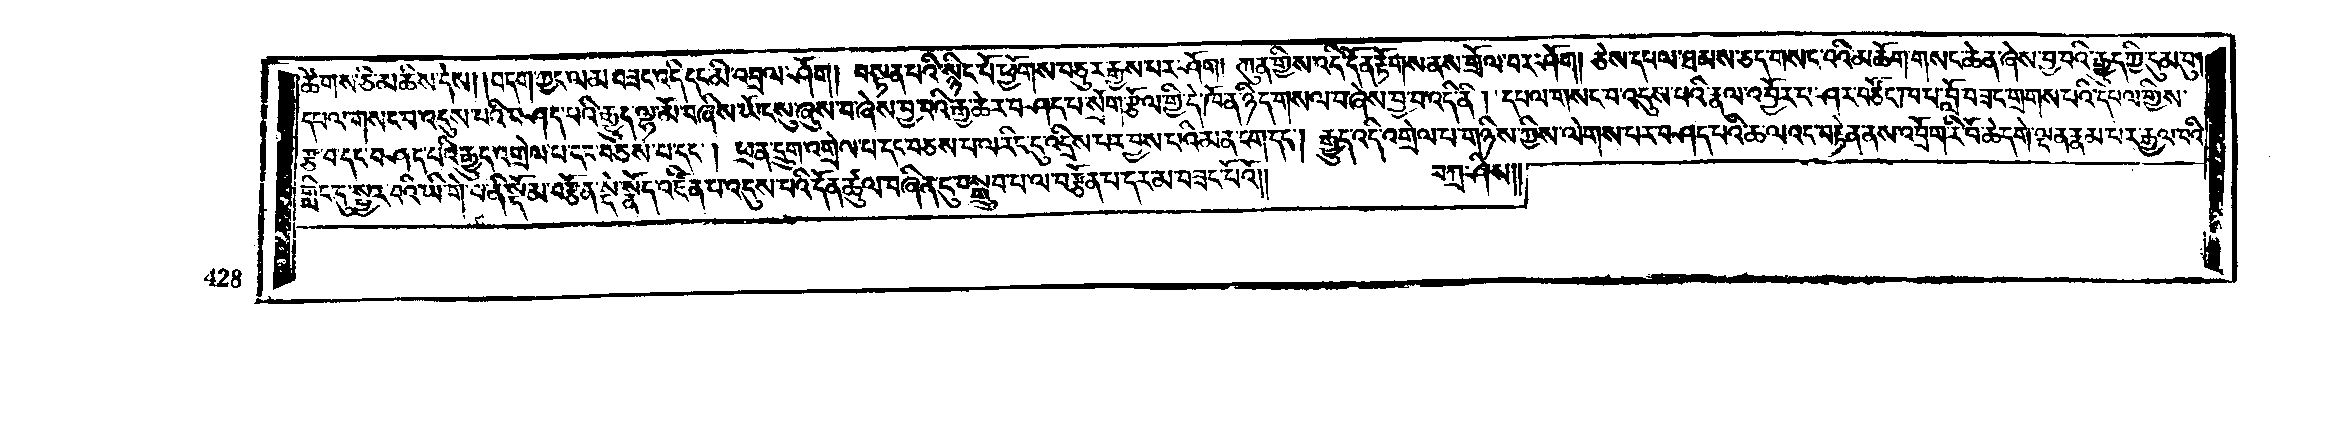ཚོགས་ཅི་མཆིས་དེས། །བདག་ཀྱང་ལམ་བཟང་འདི་དང་མི་འབྲལ་ཤོག །བསྟན་པའི་སྙིང་པོ་ཕྱོགས་བཅུར་རྒྱས་པར་ཤོག །ཀུན་གྱིས་འདི་དོན་རྟོགས་ནས་གྲོལ་བར་ཤོག །ཅེས་དཔལ་ཐམས་ཅད་གསང་བའི་མཆོག་གསང་ཆེན་ཞེས་བྱ་བའི་རྒྱུད་ཀྱི་དུམ་བུ་
དཔལ་གསང་བ་འདུས་པའི་བཤད་པའི་རྒྱུད་ལྷ་མོ་བཞིས་ཡོངས་སུ་ཞུས་བ་ཞེས་བྱ་བའི་རྒྱ་ཆེར་བཤད་པ་སྲོག་རྩོལ་གྱི་དེ་ཁོ་ན་ཉིད་གསལ་བ་ཞེས་བྱ་བ་འདི་ནི། དཔལ་གསང་བ་འདུས་པའི་རྣལ་འབྱོར་པ་ཤར་བཙོང་ཁ་པ་བློ་བཟང་གྲགས་པའི་དཔལ་གྱིས་
རྩ་བ་དང་བཤད་པའི་རྒྱུད་འགྲེལ་པ་དང་བཅས་པ་དང་། ཕྲན་དྲུག་འགྲེལ་པ་དང་བཅས་པ་ལ་རིང་དུ་འདྲིས་པར་བྱས་པའི་མན་ངག་དང་། རྒྱུད་འདི་འགྲེལ་པ་གཉིས་ཀྱིས་ལེགས་པར་བཤད་པའི་ཆ་ལའང་བརྟེན་ནས་འབྲོག་རི་བོ་ཆེ་དགེ་ལྡན་རྣམ་པར་རྒྱལ་བའི་
གླིང་དུ་སྦྱར་བའི་ཡི་གེ་པ་ནི་སྡོམ་བརྩོན་སྡེ་སྣོད་འཛིན་པ་འདུས་པའི་དོན་ཚུལ་བཞིན་དུ་བསྒྲུབ་པ་ལ་བརྩོན་པ་དར་མ་བཟང་པོའོ།། བཀྲ་ཤིས།།